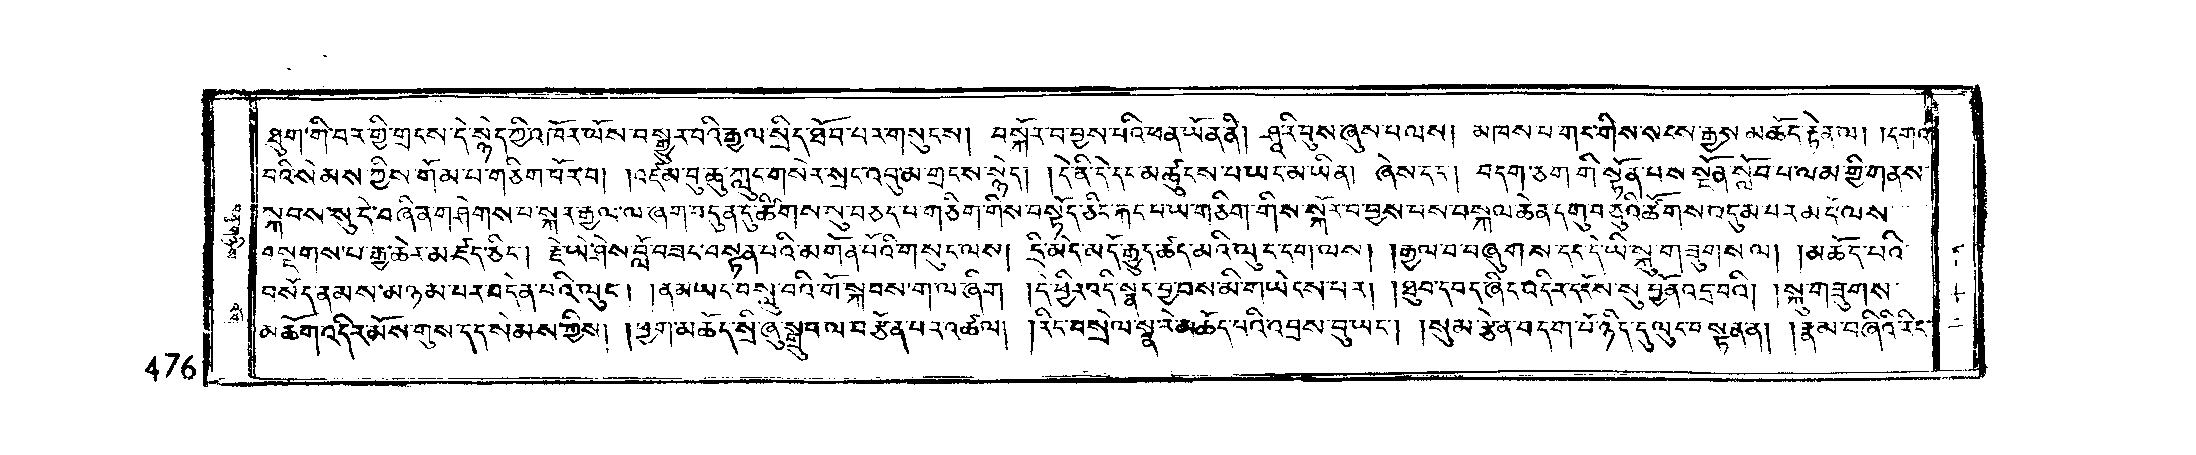ཐུག་གི་བར་གྱི་གྲངས་དེ་སྙེད་ཀྱི་འཁོར་ལོས་བསྒྱུར་བའི་རྒྱལ་སྲིད་ཐོབ་པར་གསུངས། བསྐོར་བ་བྱས་པའི་ཕན་ཡོན་ནི། ཤཱ་རི་བུས་ཞུས་པ་ལས། མཁས་པ་གང་གིས་སངས་རྒྱས་མཆོད་རྟེན་ལ། །དགའ་
བའི་སེམས་ཀྱིས་གོམ་པ་གཅིག་པོར་བ། །འཛམ་བུ་ཆུ་ཀླུང་གསེར་སྲང་འབུམ་གྲངས་སྙེད། །དེ་ནི་དེ་དང་མཚུངས་པ་ཡང་མ་ཡིན། ཞེས་དང་། བདག་ཅག་གི་སྟོན་པས་སྔོན་སློབ་པ་ལམ་གྱི་གནས་
སྐབས་སུ་དེ་བཞིན་གཤེགས་པ་སྐར་རྒྱལ་ལ་ཞག་བདུན་དུ་ཚིགས་སུ་བཅད་པ་གཅིག་གིས་བསྟོད་ཅིང་རྐང་པ་ཡ་གཅིག་གིས་སྐོར་བ་བྱས་པས་བསྐལ་ཆེན་དགུ་བཅུའི་ཚོགས་འདུམ་པར་མདོ་ལས་
བསྔགས་པ་རྒྱ་ཆེར་མཛད་ཅིང་། རྗེ་ཡེ་ཤེས་བློ་བཟང་བསྟན་པའི་མགོན་པོའི་གསུང་ལས། དྲི་མེད་མདོ་རྒྱུད་ཚད་མའི་ལུང་དག་ལས། །རྒྱལ་བ་བཞུགས་དང་དེ་ཡི་སྐུ་གཟུགས་ལ། །མཆོད་པའི་
བསོད་ནམས་མཉམ་པར་བདེན་པའི་ལུང་། །ནམ་ཡང་བསླུ་བའི་གོ་སྐབས་ག་ལ་ཞིག །དེ་ཕྱིར་འདི་སྣང་བྱ་བས་མི་གཡེངས་པར། །ཐུབ་དབང་ཞིང་འདིར་དངོས་སུ་བྱོན་འདྲ་བའི། །སྐུ་གཟུགས་
མཆོག་འདིར་མོས་གུས་དད་སེམས་ཀྱིས། །ཕྱག་མཆོད་སྲི་ཞུ་སྒྲུབ་ལ་བརྩོན་པར་འཚལ། །རིང་བསྲེལ་སྣ་རེ་མཆོད་པའི་འབྲས་བུ་ཡང་། །སུམ་རྩེན་བདག་པོ་ཉིད་དུ་ལུང་བསྟན་ན། །རྣམ་བཞིའི་རིང་